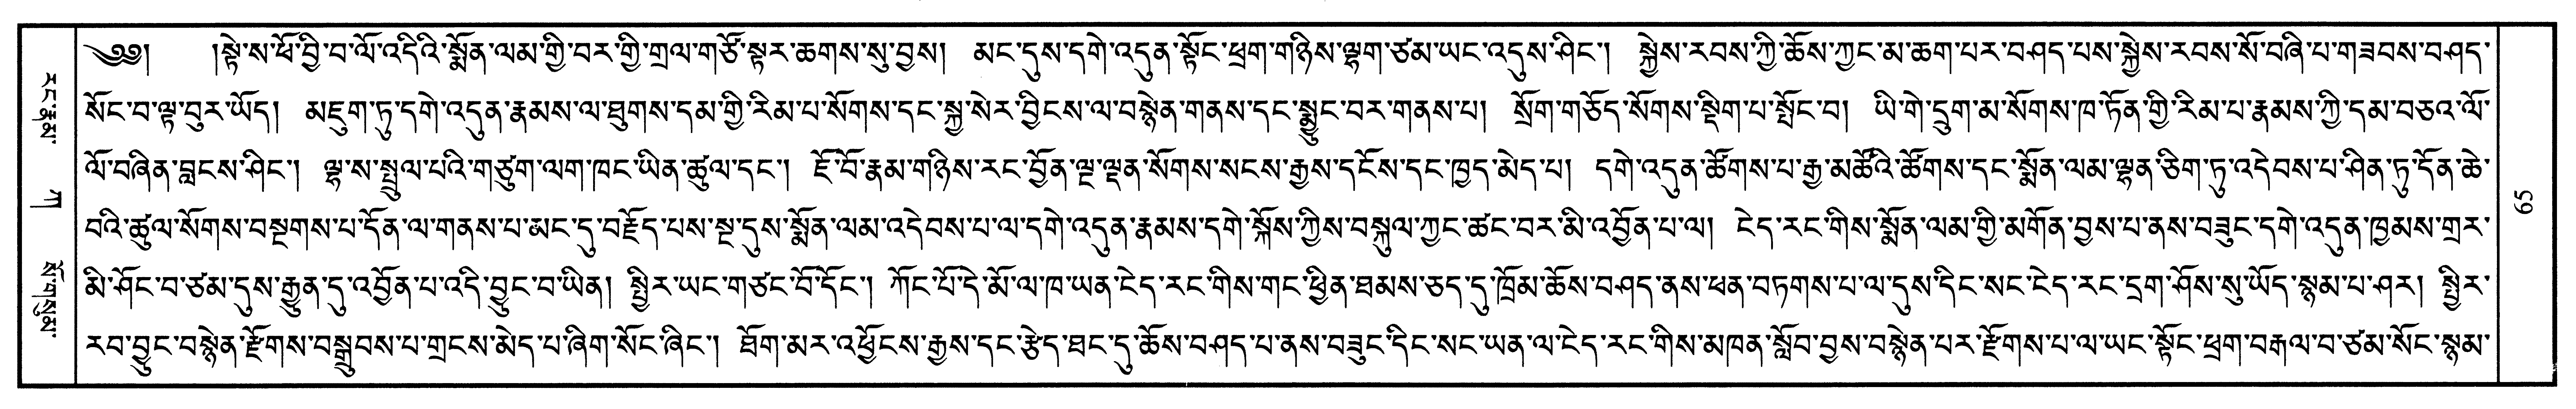༄༅། །སྟེ་ས་ཕོ་བྱི་བ་ལོ་འདིའི་སྨོན་ལམ་གྱི་བར་གྱི་གྲལ་གཙོ་སྟར་ཆགས་སུ་བྱས། མང་དུས་དགེ་འདུན་སྟོང་ཕྲག་གཉིས་ལྷག་ཙམ་ཡང་འདུས་ཤིང་། སྐྱེས་རབས་ཀྱི་ཆོས་ཀྱང་མ་ཆག་པར་བཤད་པས་སྐྱེས་རབས་སོ་བཞི་པ་གཟབས་བཤད་
སོང་བ་ལྟ་བུར་ཡོད། མཇུག་ཏུ་དགེ་འདུན་རྣམས་ལ་ཐུགས་དམ་གྱི་རིམ་པ་སོགས་དང་སྐྱ་སེར་བྱིངས་ལ་བསྙེན་གནས་དང་སྨྱུང་བར་གནས་པ། སྲོད་གཅོད་སོགས་སྡིག་པ་སྤོང་བ། ཡི་གེ་དྲུག་མ་སོགས་ཁ་ཏོན་གྱི་རིམ་པ་རྣམས་ཀྱི་དམ་བཅའ་ལོ་
ལོ་བཞིན་བླངས་ཤིང་། ལྷ་ས་སྤྲུལ་པའི་གཙུག་ལག་ཁང་ཡིན་ཚུལ་དང་། ཇོ་བོ་རྣམ་གཉིས་རང་བྱོན་ལྔ་ལྡན་སོགས་སངས་རྒྱས་དངོས་དང་ཁྱད་མེད་པ། དགེ་འདུན་ཚོགས་པ་རྒྱ་མཚོའི་ཚོགས་དང་སྨོན་ལམ་ལྷན་ཅིག་ཏུ་འདེབས་པ་ཤིན་ཏུ་དོན་ཆེ་
བའི་ཚུལ་སོགས་བསྔགས་པ་དོན་ལ་གནས་པ་མང་དུ་བརྗོད་པས་སྔ་དུས་སྨོན་ལམ་འདེབས་པ་ལ་དགེ་འདུན་རྣམས་དགེ་སྐོས་ཀྱིས་བསྐུལ་ཀྱང་ཚང་བར་མི་འབྱོན་པ་ལ། ངེད་རང་གིས་སྨོན་ལམ་གྱི་མགོན་བྱས་པ་ནས་བཟུང་དགེ་འདུན་ཁྱམས་གྲར་
མི་ཤོང་བ་ཙམ་དུས་རྒྱུན་དུ་འབྱོན་པ་འདི་བྱུང་བ་ཡིན། །སྤྱིར་ཡང་གཙང་བོ་དོང་། ཀོང་པོ་དེ་མོ་ལ་ཁ་ཡན་ངེད་རང་གིས་གང་ཕྱིན་ཐམས་ཅད་དུ་ཁྲོམ་ཆོས་བཤད་ནས་ཕན་བཏགས་པ་ལ་དུས་དིང་སང་ངེད་རང་དྲག་ཤོས་སུ་ཡོད་སྙམ་པ་ཤར། སྤྱིར་
རབ་བྱུང་བསྙེན་རྫོགས་བསྒྲུབས་པ་གྲངས་མེད་པ་ཞིག་སོང་ཞིང་། ཐོག་མར་འཕྱོངས་རྒྱས་དང་རྩེད་ཐང་དུ་ཆོས་བཤད་པ་ནས་བཟུང་དིང་སང་ཡན་ལ་ངེད་རང་གིས་མཁན་སློབ་བྱས་བསྙེན་པར་རྫོགས་པ་ལ་ཡང་སྟོང་ཕྲག་བརྒལ་བ་ཙམ་སོང་སྙམ་